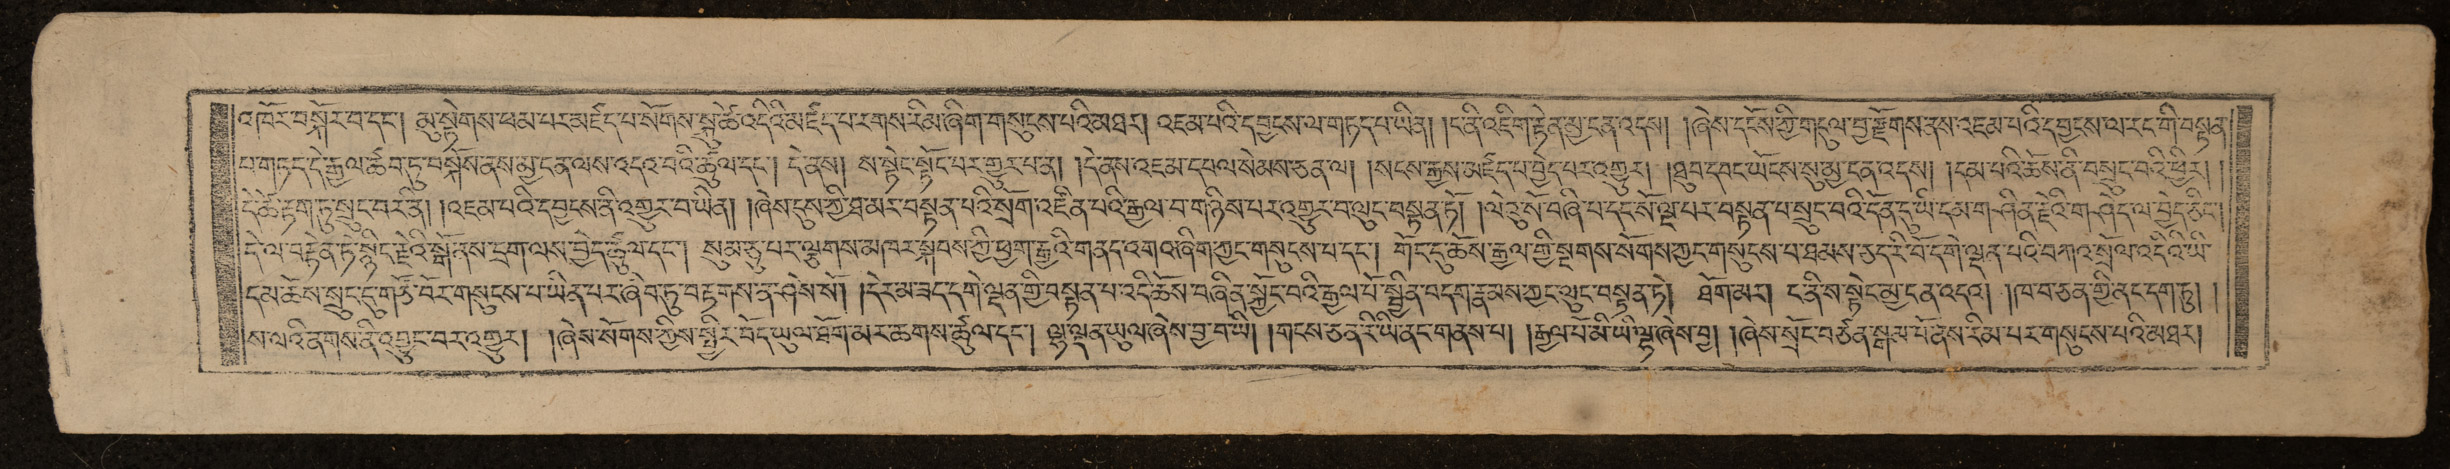འཁོར་བསྐོར་བ་དང་། མུ་སྟེགས་ཕམ་པར་མཛད་པ་སོགས་སྐུ་ཚེ་འདིའི་མཛད་པ་རགས་རིམ་ཞིམ་གསུངས་ཚོང་?་འཇམ་དབྱངས་ལ་གཏན་པ་ཡིན། །ང་ནི་འཇིག་རྟེན་མྱ་ངན་འདས། །ཞེས་དངོས་ཀྱི་གདུལ་བྱ་རྫོགས་ནས་འཇམ་པའི་དབྱངས་ལ་རང་གི་བསྟན་
པ་གཏད་དེ་རྒྱལ་ཚབ་ཏུ་བསྐོས་ནས་མྱ་ངན་ལས་འདའ་བའི་ཚུལ་དང་། དེ་ནས། ས་སྟེང་སྟོང་པར་གྱུར་པ་ན། །དེ་ནས་འཇམ་དཔལ་སེམས་ཅན་ལ། །སངས་རྒྱས་མཛད་པ་བྱེད་པར་འགྱུར། །ཐུབ་དབང་ཡོངས་སུ་མྱ་ངན་འདས། །དམ་པའི་ཆོས་ནི་བསྲུང་པའི་ཕྱིར། །
དེ་ཚེ་རྟག་ཏུ་སྲུང་བར་ནི། །འཇམ་པའི་དབྱངས་ནི་འགྱུར་པ་ཡིན། །ཞེས་དུས་ཀྱི་ཐ་མར་བསྟན་པའི་སྲོག་འཚིན་པའི་རྒྱལ་པ་གཉིས་པར་འགྱུར་བ་ལུང་བསྟན་ཏོ། །ལེའུ་སོ་བཞི་པ་དང་སོ་ལྔ་པར་བསྟན་པ་བསྲུང་པའི་དོན་དུ་ཡི་དམ་གཤིན་རྗེའི་གཤེད་ལ་བྱེད་ཅིང་།
དེ་ལ་བརྟེན་ཏེ་སྙིང་རྗེའི་སྒོ་ནས་དྲག་ལས་གྱེད་ཚུལ་དང་། སུམ་ཅུ་པར་ལྕགས་མཁར་སྐབས་ཀྱི་ཕྱག་རྒྱའི་གནད་འགའ་ཞིག་ཀྱང་གསུངས་པ་དང་། གོང་དུ་ཆོས་རྒྱལ་གྱི་སྔགས་སོགས་ཀྱང་གསུངས་པ་ཐམས་ཅད་རི་བོ་དགེ་ལྡན་པའི་བཀའ་སྲོལ་འདིའི་ཡི་
དམ་ཆོས་སྲུང་དུ་གཙོ་བོར་གསུངས་པ་ཡིན་པར་ཞི་བ་ཏུ་བརྟགས་ན་ཤེས་སོ། །དེར་མ་ཟད་དགེ་ལྡན་གྱི་བསྟན་པ་འདི་ཆོས་བཞིན་སྐྱོང་པའི་རྒྱལ་པོ་སྦྱིན་བདག་རྣམས་ཀྱང་ལུང་བསྟན། ཐོག་མར། ང་ནི་ས་སྟེང་མྱ་ངན་འདའ། །ཁ་བ་ཅན་གྱི་ནང་དག་ཏུ། །
ས་ལའི་ནགས་ནི་འབྱུང་བར་འགྱུར། །ཞེས་སོགས་ཀྱིས་སྤྱིར་བོད་ཡུལ་ཐོག་མར་ཆགས་ཚུལ་དང་། ལྷ་ལྡན་ཡུལ་ཞེས་བྱ་བ་ཡི། །གངས་ཅན་རི་ཡི་ནང་གནས་པ། །རྒྱལ་པོ་མི་མི་ལྷ་ཞེས་བྱ། །ཞེས་སྲོང་བཙན་སྒམ་པོ་ནས་རིམ་པར་གསུངས་པའི་མཐར།